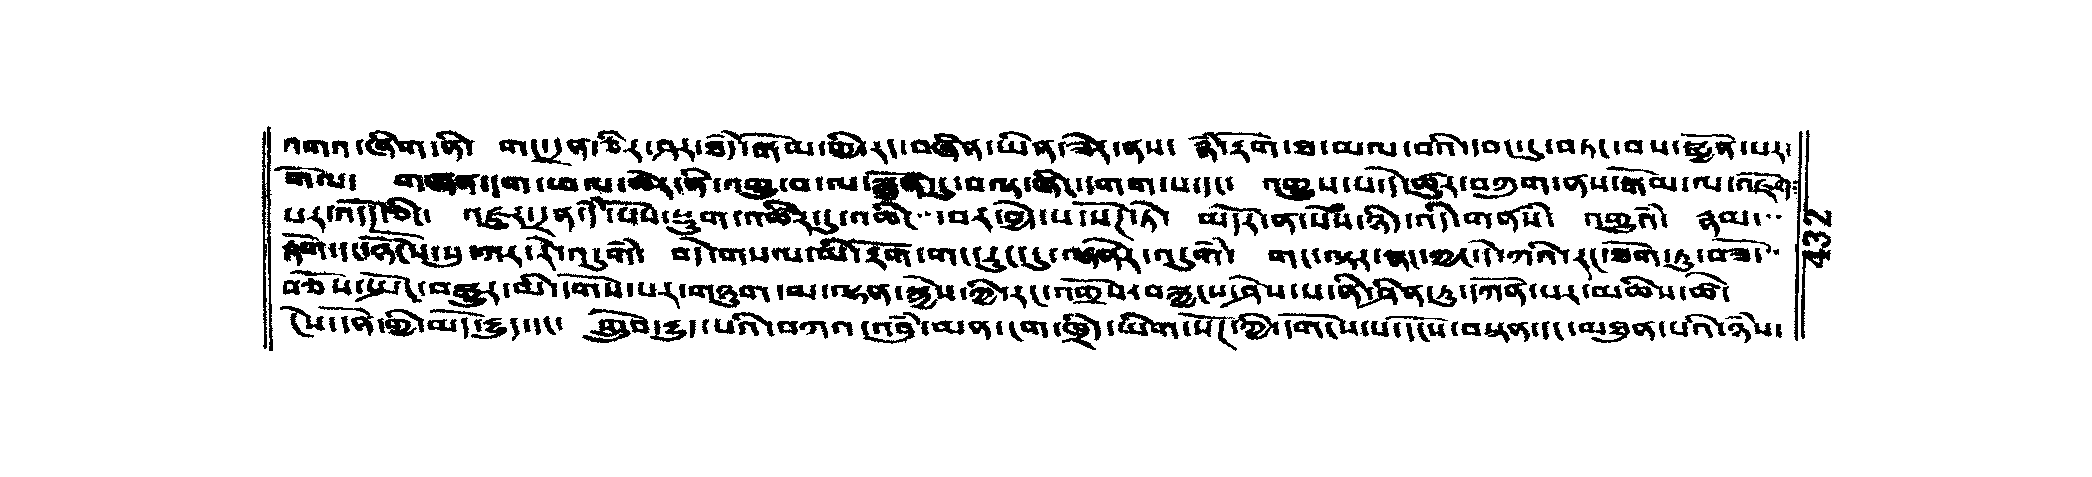འགའ་ཞིག་ནི། གང་དྲན་ཅིར་ཤར་ཐམས་ཅད་སྒོམ་གྱི་རང་བཞིན་ཡིན་ཟེར་ནས། རྣམ་རྟོག་ཐ་མལ་བའི་དབང་དུ་བཏང་བས་སྨྱོན་པར་
གོལ། གཞན་དག་ཕལ་ཆེར་ནི་འགྱུ་བ་ལ་སྐྱོན་དུ་བལྟ་ཞིང་དགག་པ་དང་། འགྱུས་པ་དེ་ཚུར་བཀུག་ནས་སྒོམ་ལ་འཇོག་
པར་འདོད་ཅིང་། འཇུར་དྲན་དམ་པོས་སྡུག་འཚིར་དུ་འཆིང་བར་བྱེད་པ་སོགས་ཏེ། མདོར་ན་སེམས་ཉིད་འདི་གནས་སམ། འགྱུའམ། རྣམ་
རྟོག་དང་ཉོན་མོངས་སུ་ཀར་རེ་འདུག་གམ། བདེ་གསལ་མི་རྟོག་གང་རུང་དུ་ལྷན་ནེར་འདུག་གམ། གང་ལྟར་སྣང་ཀྱང་དེ་ཀའི་རང་ཐོག་ཏུ་བཟོ་
བཅོས་སྤོང་བསྒྱུར་མི་དགོས་པར་གཉུག་མ་ལྷན་སྐྱེས་ཀྱི་རང་འགྲོས་སྐྱོང་ཤེས་པ་ནི་ཤིན་ཏུ་དཀོན་པར་མཆིས་ཚེ་
ངེས་དོན་གྱི་མདོ་རྒྱུད་དང་། གྲུབ་ཐོབ་བརྒྱུད་པའི་བཀའ་འབུམ་མན་ངག་ཁྲིད་ཡིག་སོགས་ཀྱི་དགོངས་པ་དངོས་བསྟན་དང་མཐུན་པའི་ཉམས་